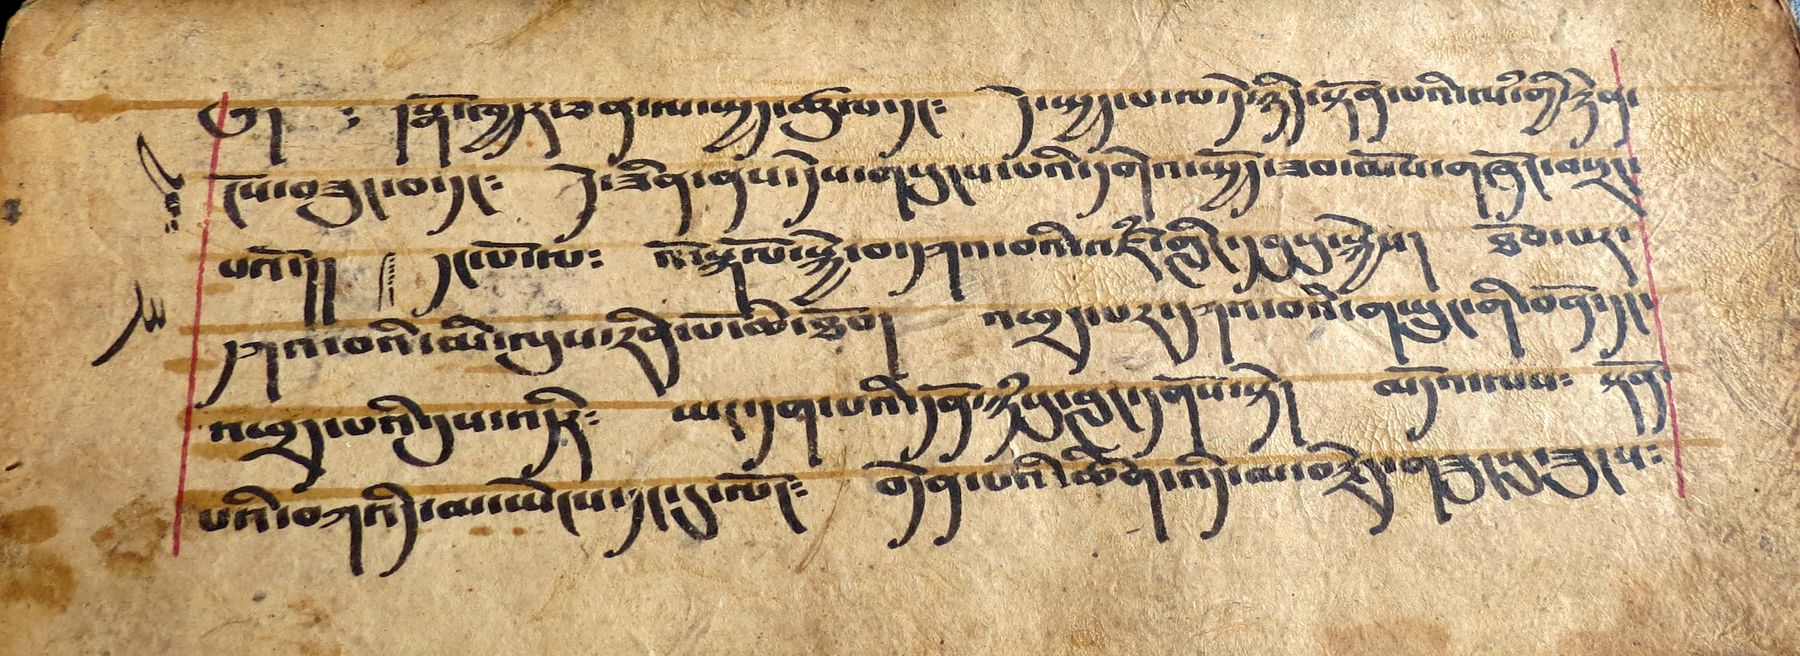སྒོ་ཁྱད་པར་ཅན་ལ་སྤྱད་ཚུལ་དང་། དེ་ལ་སྤྱད་པ་ལ་དེ་ཉིད་སྟོན་པའི་ལམ་གྱི་རྟེན་
ངོས་བཟུང་བ། དེ་ཟིན་ནས་དེས་གསུངས་པའི་དགེ་སྤྱོད་ཟབ་མོའི་གཞུང་བསྲང་
བའོ། ། དང་པོ་ལ། འོ་སྐོལ་སྐྱེ་བར་དཀའ་བ་འཛམ་བུ་གླིང་གི་དབུས་སུ་སྐྱེས། ཐོབ་པར་
དཀའ་བ་གཙང་མ་མི་ལུས་རིན་པོ་ཆེ་ཐོབ། འཕྲད་པར་དཀའ་བ་གཡུང་དྲུང་གི་བོན་དང་
འཕྲད་པའི་དུས་འདིར། ཡང་དག་པའི་དོན་ཉམས་སུ་བླང་དགོས་ཏེ། མདོ་ལས། སྟོན་
པའི་བཀའ་འདི་མ་ཡེངས་དང་དུ་ལོངས། བདེན་པའི་ཚིག་འདི་མ་བརྗེད་གཟུངས་སུ་ཟུངས།